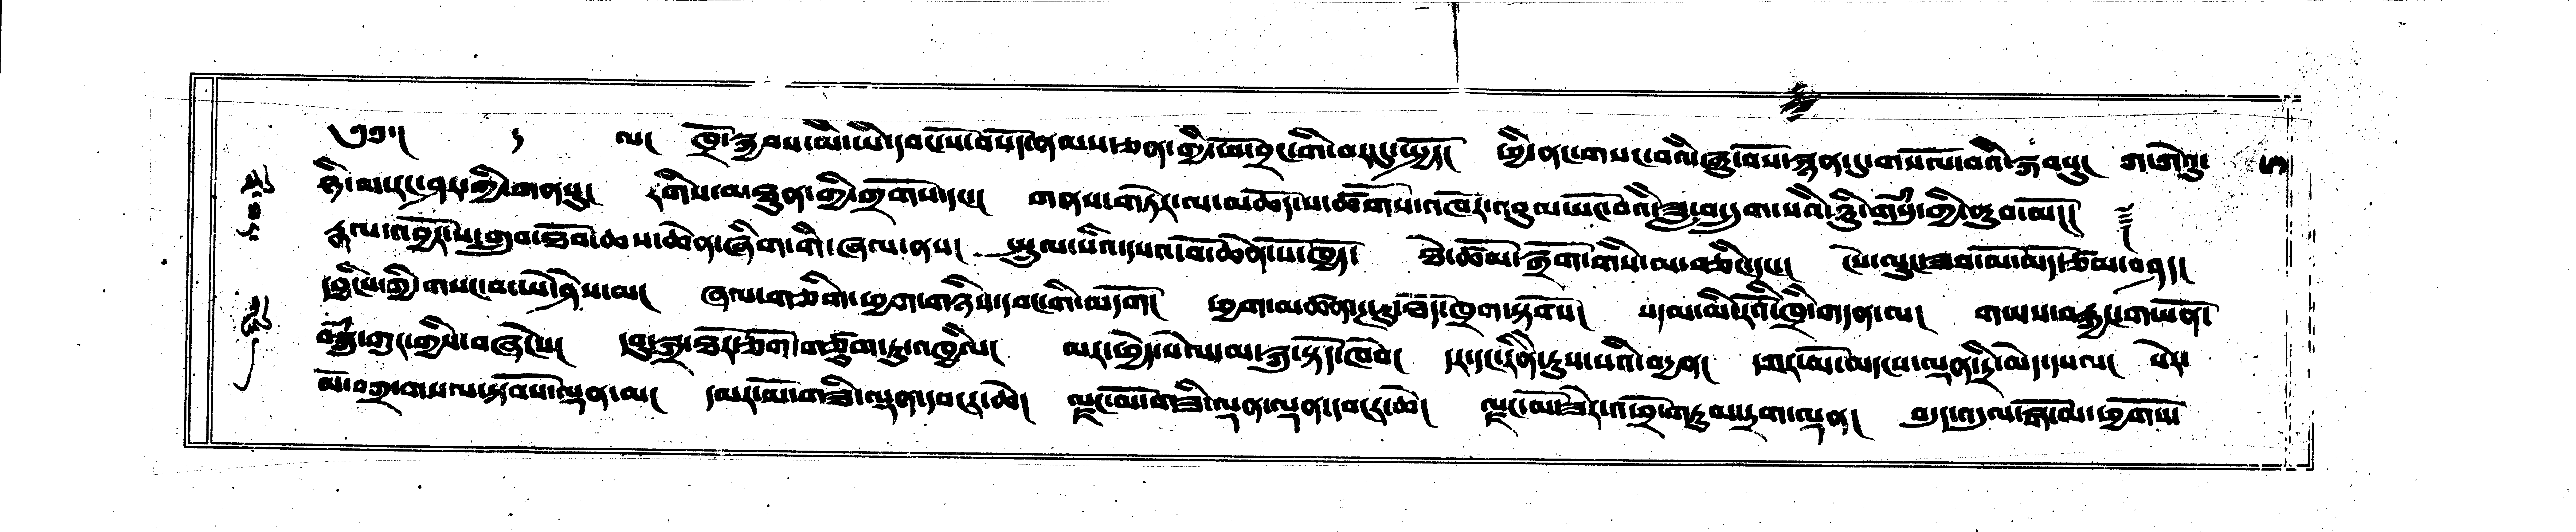ལ། ཁྲོ་སྐྱབས་མི་ཡི་དབང་པོ་བསོད་ནམས་ཅན་གྱི་ཕོ་བྲང་གི་བར་དུ་སྤྱོད། ཕྱི་ནང་གསང་བའི་ཞུ་བོས་སྙན་དུ་གསོལ་བའི་སྐབས་སུ་ ཀ་ཀེའུ་
ཉི་མ་རང་ཤར་གྱི་གནས་སུ། རིགས་མཐུན་གྱི་གྲོགས་དང་། གནས་གཏེར་ལ་མཆོད་པ་ཚོགས་འཁོར་འབུལ་ཡོང་བའི་ཟླ་བ་དྲུག་པའི་ཉི་ཤུ་གསུམ་གྱི་ནུབ་མོ། 
རྣལ་འབྱོར་བ་གྲུབ་ཐོབ་ཆས་ཅན་ཞིག་གི་ཞལ་ནས། སྤྲུལ་པའི་དཔའ་བོ་ཆེན་པོ་ཁྱོད། ཐེ་ཚོམ་སྒྲོག་གིས་མ་བཅིངས་དང་། ངེས་ལུང་ཟབ་མོ་མདོ་ཙམ་བཤད། 
དབྱིངས་ཀྱི་གསང་བ་ཡེ་ཤེས་མ། ཞལ་གཅིག་ཕྱག་གཉིས་དབང་གི་མདོག ཕྱག་མཚན་ཌ་རུ་ཐོད་ཁྲག་སྟོབས། པད་མ་མི་རོའི་ཁྲི་གདན་ལ། གཡས་བརྐྱང་གཡོན་
བསྐུམ་གར་གྱིས་བཞེངས། དབུ་སྐྲ་ཐོར་ཅོག་གཙུག་ཏུ་འཁྱིལ། མར་ཕྱེད་སིལ་མ་སྐུ་སྟོད་ཁེབ། དར་དང་རིན་རུས་པའི་བརྒྱན། དཀར་མོ་མདངས་ལྡན་དྲི་མེད་དཔལ། སེར་
མོ་བཀྲ་གསལ་སྟོབས་ལྡན་མ། དམར་མོ་གཟི་ལྡན་དབང་སྒྱུར་ཆེ། ལྗང་མོ་གཟི་ལྡན་དབང་སྒྱུར་ཆེ། །ལྗང་མོ་ཟེར་འཕྲོ་གཏུམ་དྲག་ལྡན། བདུད་འདུལ་སྒོ་མ་ཕྱོགས་